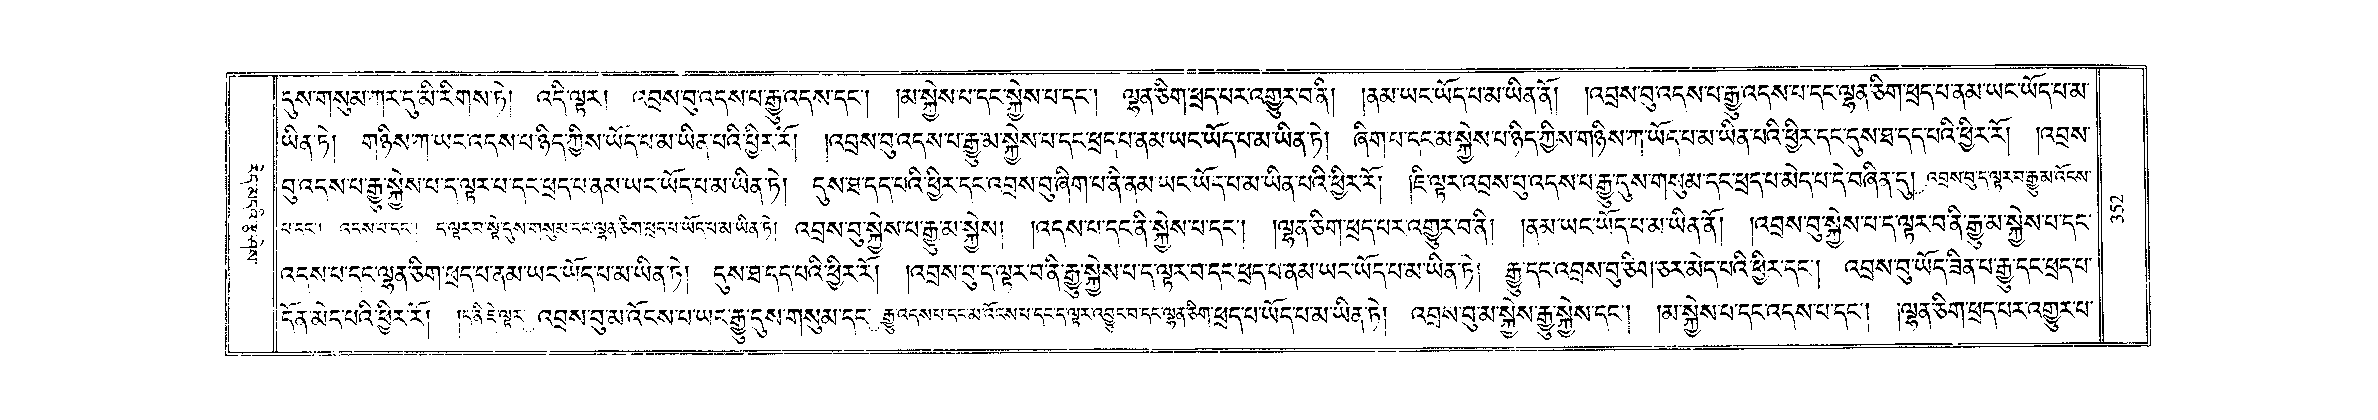དུས་གསུམ་ཀར་དུ་མི་རིགས་ཏེ། འདི་ལྟར། འབྲས་བུ་འདས་པ་རྒྱུ་འདས་དང་། །མ་སྐྱེས་པ་དང་སྐྱེས་པ་དང་། ལྷན་ཅིག་ཕྲད་པར་འགྱུར་བ་ནི། །ནམ་ཡང་ཡོད་པ་མ་ཡིན་ནོ། །འབྲས་བུ་འདས་པ་རྒྱུ་འདས་པ་དང་ལྷན་ཅིག་ཕྲད་པ་ནམ་ཡང་ཡོད་པ་མ་
ཡིན་ཏེ། གཉིས་ཀ་ཡང་འདས་པ་ཉིད་ཀྱིས་ཡོད་པ་མ་ཡིན་པའི་ཕྱིར་རོ། །འབྲས་བུ་འདས་པ་རྒྱུ་མ་སྐྱེས་པ་དང་ཕྲད་པ་ནམ་ཡང་ཡོད་པ་མ་ཡིན་ཏེ། ཞིག་པ་དང་མ་སྐྱེས་པ་ཉིད་ཀྱིས་གཉིས་ཀ་ཡོད་པ་མ་ཡིན་པའི་ཕྱིར་དང་དུས་ཐ་དད་པའི་ཕྱིར་རོ། །འབྲས་
བུ་འདས་པ་རྒྱུ་སྐྱེས་པ་ད་ལྟར་པ་དང་ཕྲད་པ་ནམ་ཡང་ཡོད་པ་མ་ཡིན་ཏེ། དུས་ཐ་དད་པའི་ཕྱིར་དང་འབྲས་བུ་ཞིག་པ་ནི་ནམ་ཡང་ཡོད་པ་མ་ཡིན་པའི་ཕྱིར་རོ། །ཇི་ལྟར་འབྲས་བུ་འདས་པ་རྒྱུ་དུས་གསུམ་དང་ཕྲད་པ་མེད་པ་དེ་བཞིན་དུ། འབྲས་བུ་ད་ལྟར་བ་རྒྱུ་མ་འོངས་
པ་དང་། འདས་པ་དང་། ད་ལྟར་བ་སྟེ་དུས་གསུམ་དང་ལྷན་ཅིག་ཕྲད་པ་ཡོད་པ་མ་ཡིན་ཏེ། འབྲས་བུ་སྐྱེས་པ་རྒྱུ་མ་སྐྱེས། །འདས་པ་དང་ནི་སྐྱེས་པ་དང་། །ལྷན་ཅིག་ཕྲད་པར་འགྱུར་བ་ནི། །ནམ་ཡང་ཡོད་པ་མ་ཡིན་ནོ། །འབྲས་བུ་སྐྱེས་པ་ད་ལྟར་བ་ནི་རྒྱུ་མ་སྐྱེས་པ་དང་
འདས་པ་དང་ལྷན་ཅིག་ཕྲད་པ་ནམ་ཡང་ཡོད་པ་མ་ཡིན་ཏེ། དུས་ཐ་དད་པའི་ཕྱིར་རོ། །འབྲས་བུ་ད་ལྟར་བ་ནི་རྒྱུ་སྐྱེས་པ་ད་ལྟར་བ་དང་ཕྲད་པ་ནམ་ཡང་ཡོད་པ་མ་ཡིན་ཏེ། རྒྱུ་དང་འབྲས་བུ་ཅིག་ཅར་མེད་པའི་ཕྱིར་དང་། འབྲས་བུ་ཡོད་ཟིན་པ་རྒྱུ་དང་ཕྲད་པ་
དོན་མེད་པའི་ཕྱིར་རོ། །ད་ནི་ཇི་ལྟར་འབྲས་བུ་མ་འོངས་པ་ཡང་རྒྱུ་དུས་གསུམ་དང་རྒྱུ་འདས་པ་དང་མ་འོངས་པ་དང་ད་ལྟར་འབྱུང་བ་དང་ལྷན་ཅིག་ཕྲད་པ་ཡོད་པ་མ་ཡིན་ཏེ། འབྲས་བུ་མ་སྐྱེས་རྒྱུ་སྐྱེས་དང་། །མ་སྐྱེས་པ་དང་འདས་པ་དང་། །ལྷན་ཅིག་ཕྲད་པར་འགྱུར་པ་